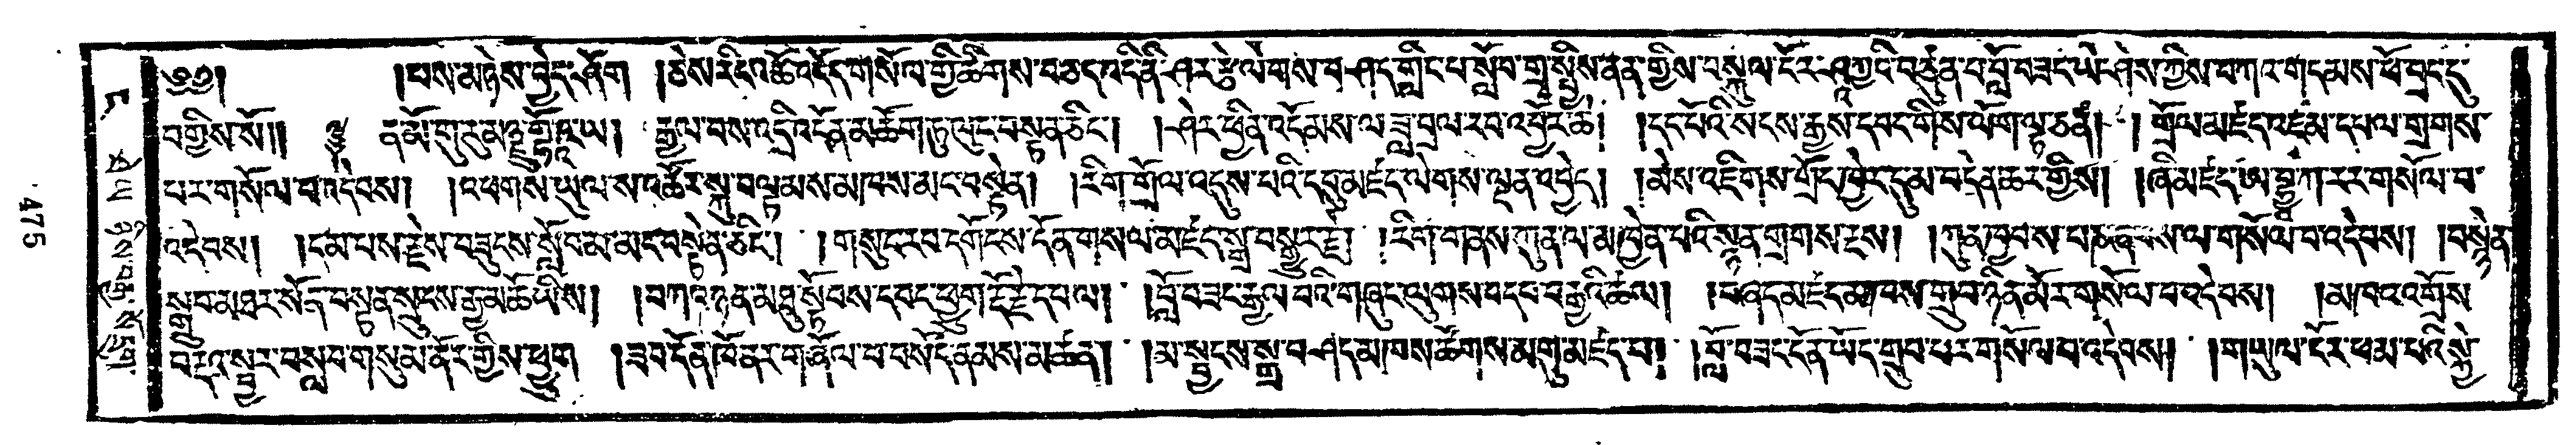༄༅། །པས་མཉེས་བྱེད་ཤོག །ཅེས་རིང་འཚོ་འདོད་གསོལ་གྱི་ཚིགས་བཅད་འདི་ནི་ཤར་རྩེ་ལེགས་བཤད་གླིང་པ་སློབ་གྲྭ་སྤྱིས་ནན་གྱིས་བསྐུལ་ངོར་ཤའྐྱའི་བཙུན་པ་བློ་བཟང་ཡེ་ཤེས་ཀྱིས་བཀའ་གདམས་ཕོ་བྲང་དུ་
བགྱིས་སོ།། ༈ ན་མོ་གུ་རུ་མཉྫུ་གྷོ་ཥཱ་ཡང་། རྒྱལ་བས་འདི་འདོན་མཆོག་ཏུ་ལུང་བསྟན་ཅིང་། །ཤེར་ཕྱིན་འདོམས་ལ་ཟླ་བྲལ་རབ་འབྱོར་ཚེ། །དང་པོའི་སངས་རྒྱས་དབང་གིས་ལོག་ལྟ་ཅན། །གྲོལ་མཛད་འཇམ་དཔལ་གྲགས་
པར་གསོལ་བ་འདེབས། །འཕགས་ཡུལ་ས་འཚོར་སྐུ་བལྟམས་མཁས་མང་བསྟེན། །རིག་གྲོལ་འདུས་པའི་དབུ་མཛད་ལེགས་ལྡན་འབྱེད། །མེས་འཇིགས་གྲོང་ཁྱེར་དུ་མ་བདེན་ཆར་གྱིས། །ཞི་མཛད་ཨ་བྷྱཱ་ཀ་རར་གསོལ་བ་
འདེབས། །དམ་པས་རྗེས་བཟུངས་སློབ་མ་མང་བསྟེན་ཅིང་། །གསུང་རབ་དགོངས་དོན་གསལ་མཛད་སྒྲ་བསྒྱུར་རྗེ། །རིག་གནས་ཀུན་ལ་མཁྱེན་པའི་སྙན་གྲགས་རྡས། །ཀུན་ཁྱབས་པཎ་ཞབས་ལ་གསོལ་བ་འདེབས། །བསྙེན་
སྒྲུབ་མཐར་སོན་བསྟན་སྲུངས་རྒྱ་མཚོ་ཡིས། །བཀའ་ཉན་མཐུ་སྟོབས་དབང་ཕྱུག་རྡོ་རྗེ་དཔལ། །བློ་བཟང་རྒྱལ་བའི་གཞུང་ལུགས་བདབ་བརྒྱའི་ཚལ། །བཞད་མཛད་མཁས་གྲུབ་ཉིན་མོར་གསོལ་བ་འདེབས། །མཁའ་འགྲོས་
བརྡའ་སྦྱར་བསླབ་གསུམ་ནོར་གྱིས་ཕྱུག །ཟབ་དོན་ཁོ་ནར་གཞོལ་བ་བསོད་ནམས་མཚན། །མ་སྦྱངས་སྒྲ་བཤད་མཁས་ཚོགས་མགུ་མཛད་པ། །བློ་བཟང་དོན་ཡོད་གྲུབ་པར་གསོལ་བ་འདེབས། །གཡུལ་ངོར་ཕམ་པའི་སྐྱེ་